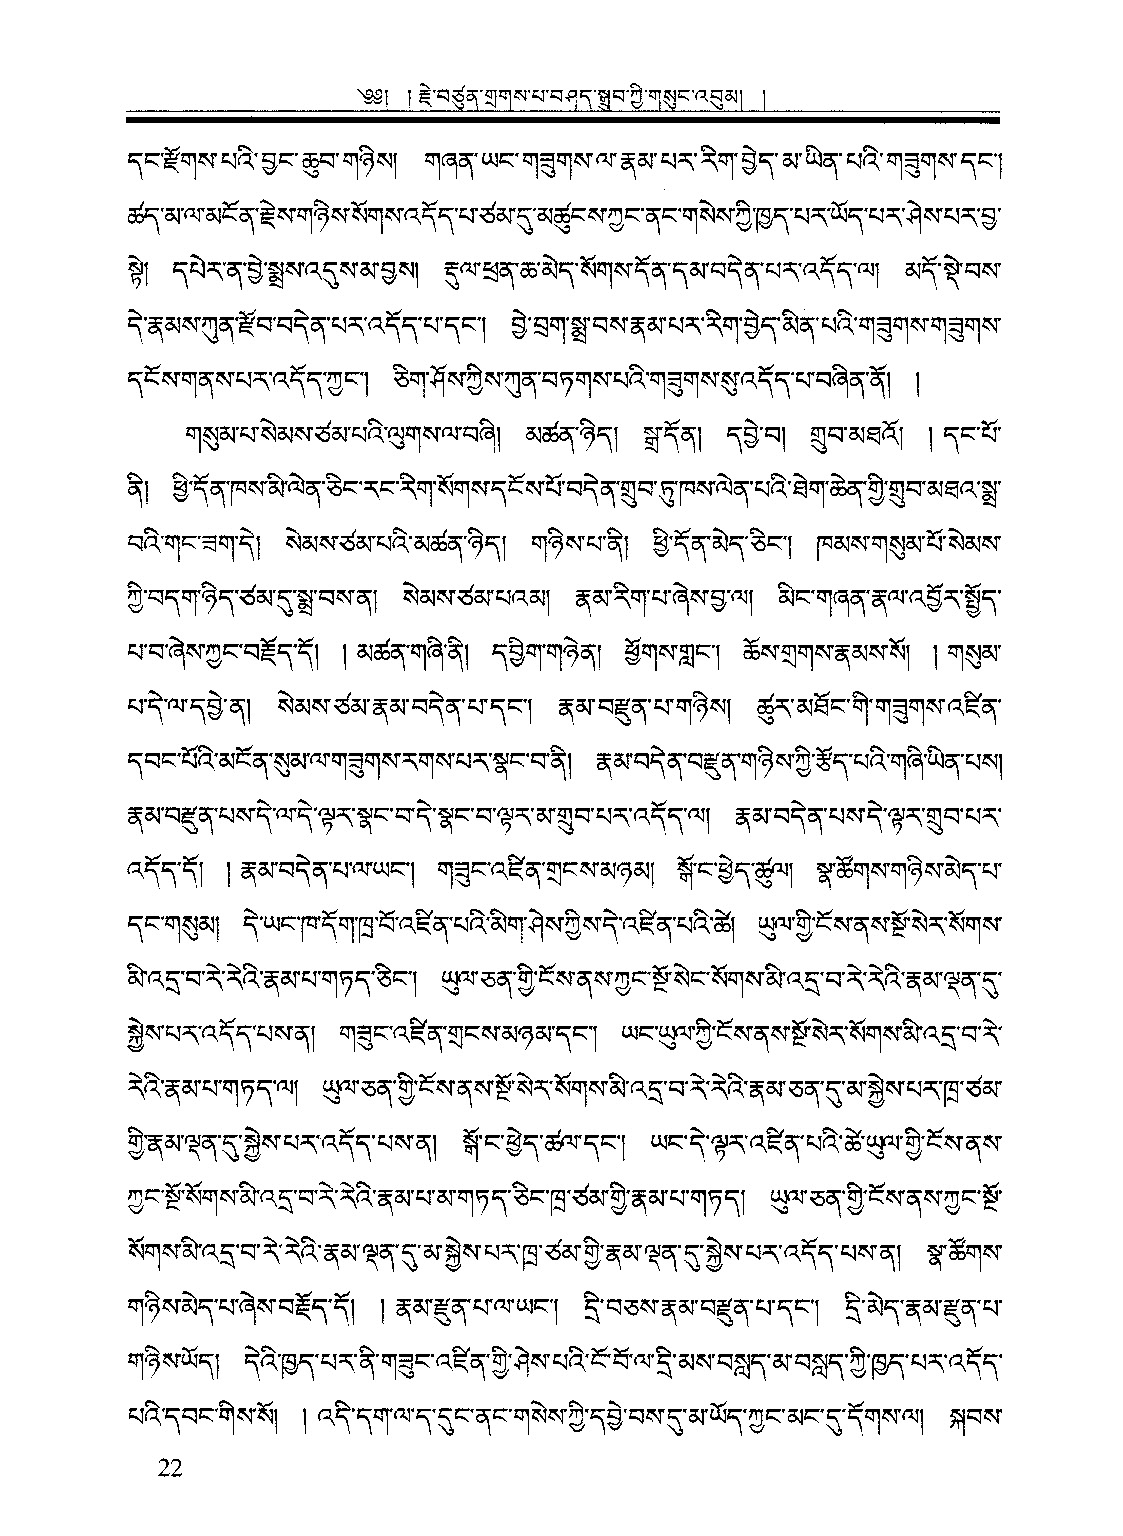དང་རྫོགས་པའི་བྱང་ཆུབ་གཉིས། གཞན་ཡང་གཟུགས་ལ་རྣམ་པར་རིག་བྱེད་མ་ཡིན་པའི་གཟུགས་དང་།
ཚད་མ་ལ་མངོན་རྗེས་གཉིས་སོགས་འདོད་པ་ཙམ་དུ་མཚུངས་ཀྱང་ནང་གསེས་ཀྱི་ཁྱད་པར་ཡོད་པར་ཤེས་པར་བྱ་
སྟེ། དཔེར་ན་བྱེ་སྨྲས་འདུས་མ་བྱས། རྡུལ་ཕྲན་ཆ་མེད་སོགས་དོན་དམ་བདེན་པར་འདོད་ལ། མདོ་སྡེ་བས་
དེ་རྣམས་ཀུན་རྫོབ་བདེན་པར་འདོད་པ་དང་། བྱེ་བྲག་སྨྲ་བས་རྣམ་པར་རིག་བྱེད་མིན་པའི་གཟུགས་གཟུགས་
དངོས་གནས་པར་འདོད་ཀྱང་། ཅིག་ཤོས་ཀྱིས་ཀུན་བཏགས་པའི་གཟུགས་སུ་འདོད་པ་བཞིན་ནོ། །
གསུམ་པ་སེམས་ཙམ་པའི་ལུགས་ལ་བཞིན། མཚན་ཉིད། སྒྲ་དོན། དབྱེ་བ། གྲུབ་མཐའོ། །དང་པོ་
ནི། ཕྱི་དོན་ཁས་མི་ལེན་ཅིང་རང་རིག་སོགས་དངོས་པོ་བདེན་གྲུབ་ཏུ་ཁས་ལེན་པའི་ཐེག་ཆེན་གྱི་གྲུབ་མཐའ་སྨྲ་
བའི་གང་ཟག་དེ། སེམས་ཙམ་པའི་མཚན་ཉིད། གཉིས་པ་ནི། ཕྱི་དོན་མེད་ཅིང་། ཁམས་གསུམ་པོ་སེམས་
ཀྱི་བདག་ཉིད་ཙམ་དུ་སྨྲ་བས་ན། སེམས་ཙམ་པའམ། རྣམ་རིག་པ་ཞེས་བྱ་ལ། མིང་གཞན་རྣལ་འབྱོར་སྤྱོད་
པ་བ་ཞེས་ཀྱང་བརྗོད་དོ། །མཚན་གཞི་ནི། དབྱིག་གཉེན། ཕྱོགས་གླང་། ཆོས་གྲགས་རྣམས་སོ། །གསུམ་
པ་དེ་ལ་དབྱེ་ན། སེམས་ཙམ་རྣམ་བདེན་པ་དང་། རྣམ་བརྫུན་པ་གཉིས། ཚུར་མཐོང་གི་གཟུགས་འཛིན་
དབང་པོའི་མངོན་སུམ་ལ་གཟུགས་རགས་པར་སྣང་བ་ནི། རྣམ་བདེན་བརྫུན་གཉིས་ཀྱི་རྩོད་པའི་གཞི་ཡིན་པས།
རྣམ་བརྫུན་པས་དེ་ལ་དེ་ལྟར་སྣང་བ་དེ་སྣང་བ་ལྟར་མ་གྲུབ་པར་འདོད་ལ། རྣམ་བདེན་པས་དེ་ལྟར་གྲུབ་པར་
འདོད་དོ། །རྣམ་བདེན་པ་ལ་ཡང་། གཟུང་འཛིན་གྲངས་མཉམ། སྒོ་ང་ཕྱེད་ཚུལ། སྣ་ཚོགས་གཉིས་མེད་པ་
དང་གསུམ། དེ་ཡང་ཁ་དོག་ཁྲ་བོ་འཛིན་པའི་མིག་ཤེས་ཀྱིས་དེ་འཛིན་པའི་ཚེ། ཡུལ་གྱི་ངོས་ནས་སྔོ་སེར་སོགས་
མི་འདྲ་བ་རེ་རེའི་རྣམ་པ་གཏད་ཅིང་། ཡུལ་ཅན་གྱི་ངོས་ནས་ཀྱང་སྔོ་སེང་སོགས་མི་འདྲ་བ་རེ་རེའི་རྣམ་ལྡན་དུ་
སྐྱེས་པར་འདོད་པས་ན། གཟུང་འཛིན་གྲངས་མཉམ་དང་། ཡང་ཡུལ་ཀྱི་ངོས་ནས་སྔོ་སེར་སོགས་མི་འདྲ་བ་རེ་
རེའི་རྣམ་པ་གཏད་ལ། ཡུལ་ཅན་གྱི་ངོས་ནས་སྔོ་སེར་སོགས་མི་འདྲ་བ་རེ་རེའི་རྣམ་ཅན་དུ་མ་སྐྱེས་པར་ཁྲ་ཙམ་
གྱི་རྣམ་ལྡན་དུ་སྐྱེས་པར་འདོད་པས་ན། སྒོ་ང་ཕྱེད་ཚལ་དང་། ཡང་དེ་ལྟར་འཛིན་པའི་ཚེ་ཡུལ་གྱི་ངོས་ནས་
ཀྱང་སྔོ་སོགས་མི་འདྲ་བ་རེ་རེའི་རྣམ་པ་མ་གཏད་ཅིང་ཁྲ་ཙམ་གྱི་རྣམ་པ་གཏད། ཡུལ་ཅན་གྱི་ངོས་ནས་ཀྱང་སྔོ་
སོགས་མི་འདྲ་བ་རེ་རེའི་རྣམ་ལྡན་དུ་མ་སྐྱེས་པར་ཁྲ་ཙམ་གྱི་རྣམ་ལྡན་དུ་སྐྱེས་པར་འདོད་པས་ན། སྣ་ཚོགས་
གཉིས་མེད་པ་ཞེས་བརྗོད་དོ། །རྣམ་རྫུན་པ་ལ་ཡང་། དྲི་བཅས་རྣམ་བརྫུན་པ་དང་། དྲི་མེད་རྣམ་རྫུན་པ་
གཉིས་ཡོད། དེའི་ཁྱད་པར་ནི་གཟུང་འཛིན་གྱི་ཤེས་པའི་ངོ་བོ་ལ་དྲི་མས་བསླད་མ་བསླད་ཀྱི་ཁྱད་པར་འདོད་
པའི་དབང་གིས་སོ། །འདི་དག་ལ་ད་དུང་ནང་གསེས་ཀྱི་དབྱེ་བས་དུ་མ་ཡོད་ཀྱང་མང་དུ་དོགས་ལ། སྐབས་